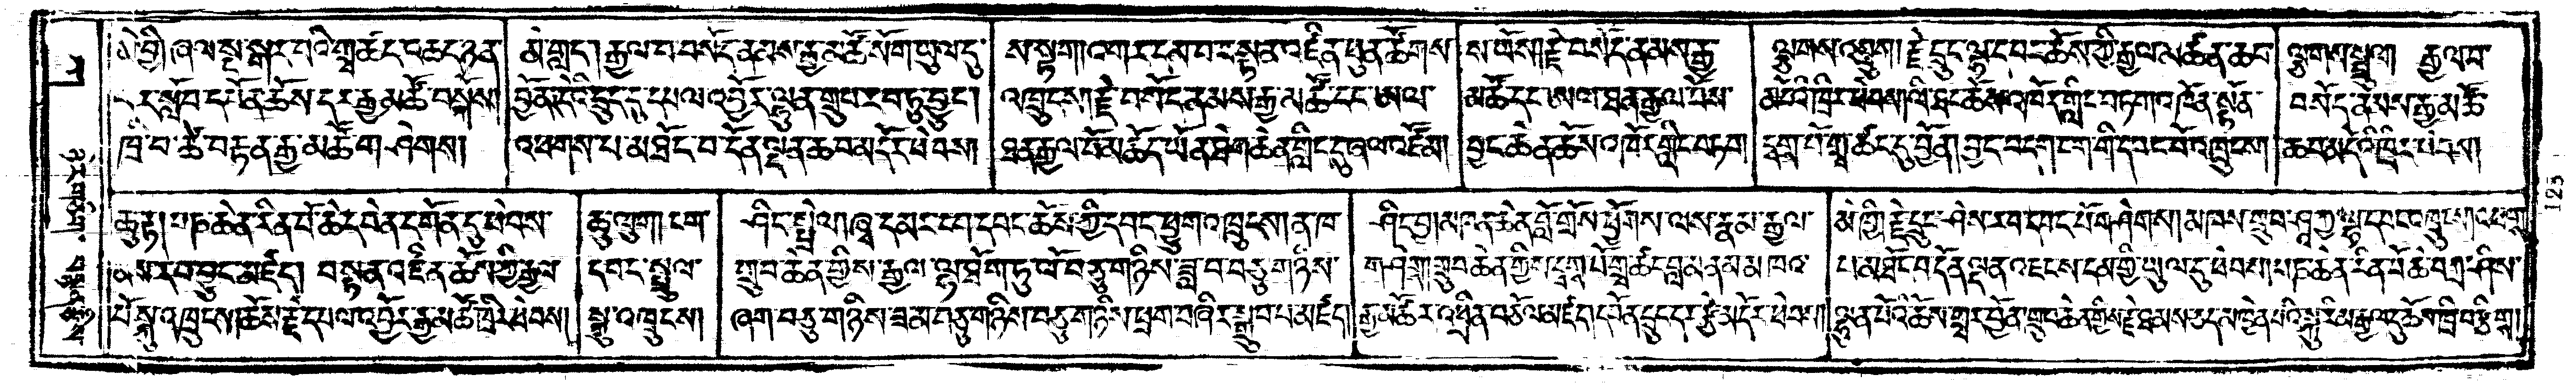བྱེ?་བྱི། ཞལ་སྔ་སྒར་བའི་གྲྭ་ཚད་འཆད་ཉན་མེ་གླང་། རྒྱལ་བ་བསོད་ནམས་རྒྱ་མཚོ་སོག་ཡུལ་དུ་ས་སྟག། འགར་དམ་པ་བསྟན་འཛིན་ཕུན་ཚོགས་ས་ཡོས། རྗེ་བསོད་ནམས་རྒྱ་ལྕགས་འྶྤུག?། རྗེ་དྲུང་ལྷ་དབང་ཆོས་ཀྱི་རྒྱལ་མཚན་ཆབ་ལྕགས་སྦྲུལ། རྒྱལ་བ་
པར?་སློབ་དཔོན་ཆོས་དར་རྒྱ་མཚོ་བསྐོས། བྱོན། དེའི་དྲུང་དུ་དཔལ་འབྱོར་ལྷུན་གྲུབ་རབ་ཏུ་བྱུང་། འཁྲུངས། རྗེ་བསོད་ནམས་རྒྱ་མཚོ་དང་ཨལ་མཆོད་དང་ཨལ་ཐན་རྒྱལ་པོས། མདོའི་ཁྲིར་ཕེབས། ལི་ཐང་ཆོས་འཁོར་གླིང་བཏག་འཁོར་སྟོན་བསོད་ནམས་རྒྱ་མཚོ་
ཁྲི་བ་ཚེ་བརྟན་རྒྱ་མཚོ་གཤེགས། འཕགས་པ་མཐོང་པ་དོན་ལྡན་ཆབ་མདོར་ཕེབས། ཐན་རྒྱལ་བོ་མཆོད་ཡོན་ཐེག་ཆེན་གླིང་དུ་ཞལ་འཛོམ། བྱང་ཆེན་ཆོས་འཁོར་གླིང་བཏག་དྭགས་པོ་གྲྭ་ཚང་དུ་བྱོན། བྱང་བདག་ངག་གི་དབང་བོ་འཁྲུངས། ཆབ་མདོའི་ཁྲིར་པེབས།
?་རྟ། པཎ་ཆེན་རིན་པོ་ཆེ་དབེན་དགོན་དུ་ཕེབས་ཆུ་ལུག། ངག་ཤིང་སྤྲེལ། ཞྭ་དམར་ངག་དབང་ཆོས་ཀྱི་དབང་ཕྱུག་འཁྲུངས། ན་ཁ་ཤིང་བྱ། མཁན་ཆེན་བློ་གྲོས་ཕྱོགས་ལས་རྣམ་རྒྱལ་མེ་ཁྱི། རྗེ་དྲུང་ཤེས་རབ་དབང་པོ་གཤེགས། མཁས་གྲུབ་ཤཱཀྱ་ལྷ་དབང་འཁྲུངས། འཕགས་
ནས་རབ་བྱུང་མཛད། བསྟན་འཛིན་ཆོས་ཀྱི་རྒྱལ་དབང་སྤྲུལ་གྲུབ་ཆེན་གྱིས་རྒྱལ་ལྷ་ཐོག་ཏུ་ལོ་བཅུ་གཉིས་ཟླ་བ་བཅུ་གཉིས་གཤེགས། གྲུབ་ཆེན་གྱིས་དྭགས་པོ་གྲྭ་ཚང་བླ་མ་ནམ་མཁའ་པ་མཐོང་བདོན་ལྡན་འཇངས་དམ་གྱི་ཡུལ་དུ་ཕབས། པཎ་ཆེན་རིན་པོ་ཆེ་བཀྲ་ཤིས་
པོ་སྐུ་འཁྲུངས། ཆོས་རྗེ་དཔལ་འབྱོར་རྒྱ་མཚོ་ཁྲིར་ཐེབས། སྐུ་འཁྲུངས། ཞག་བཅུ་གཉིས་ཟམ་བཅུ་གཉིས་བཅུ་གཉིས་ཕྲག་བཞིར་སྐུབ་པ་མཛད། རྒྱ་མཚོར་འཕྲིན་བཅོལ་མཛད། དཔོན་དྲུང་དར་རྩེ་མདོར་ཕེབས། ལྷུན་པོའི་ཆོས་གྲྭར་བྱོན་གྲུབ་ཆེན་གྱིས་རྗེ་ཐམས་ཅད་མཁྱེན་པའི་སྐུ་རིམ་རྒྱལ་དུ་ཆོས་ཁྲི་བརྩིགས།